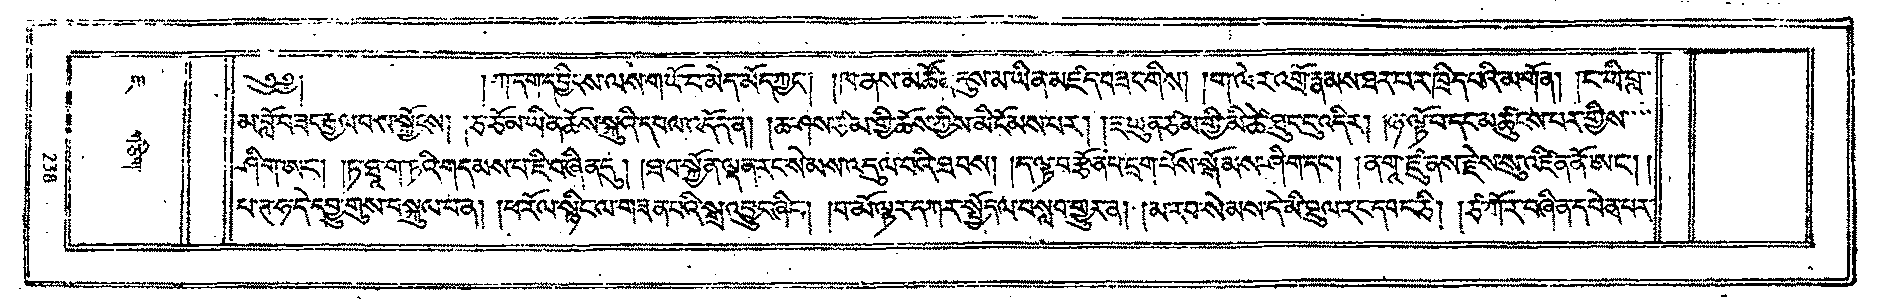༄༅། །ཀ་དག་དབྱིངས་ལས་གཡོ་བ་མེད་མོད་ཀྱང་། །ཁ་ནས་མཚོན་ནུས་མ་ཡིན་མཛད་བཟང་གིས། །ག་ལེར་འགྲོ་རྣམས་ཐར་པར་ཁྲིད་པའི་མགོན། །ང་ཡི་བླ་
མ་བློ་བཟང་རྒྱལ་བས་སྐྱོངས། །ཅ་ཅོ་མ་ཡིན་ཆོས་སྐུའི་དཔལ་འདོད་ན། །ཆ་ཤས་ཙམ་གྱི་ཆོས་ཀྱིས་མི་ངོམས་པར། །ཇ་ཡུན་ཙམ་གྱི་མི་ཚེ་ཐུང་ངུ་འདིར། །ཉ་ལྟོ་བ་དང་མཚུངས་པར་གྱིས་
ཤིག་ཨང་། །ཏ་ཐཱ་ག་ཏའི་གདམས་པ་ཇི་བཞིན་དུ། །ཐ་བ་སྐྱོན་ལྡན་རང་སེམས་འདུལ་བའི་ཐབས། །ད་ལྟ་བརྩོན་པ་དྲག་པོས་སྒོམས་ཤིག་དང་། །ན་གཱ་ཛུ་ནས་རྗེས་སུ་འཛིན་ནོ་ཨང་། །
པ་ཊ་ཧ་དེ་དབྱུ་གུས་བསྐུལ་བ་ན། །ཕ་རོལ་སྙིང་ལ་གཟན་པའི་སྒྲ་འབྱུང་ཞིང་། །པ་མོ་ལྟར་དཀར་སྤྱོད་ལ་བསླབ་གྱུར་ན། །མ་རབ་སེམས་དེ་མི་ཐུལ་རང་དབང་ཅི། །ཙ་ཀོ་ར་བཞིན་དབེན་པར་